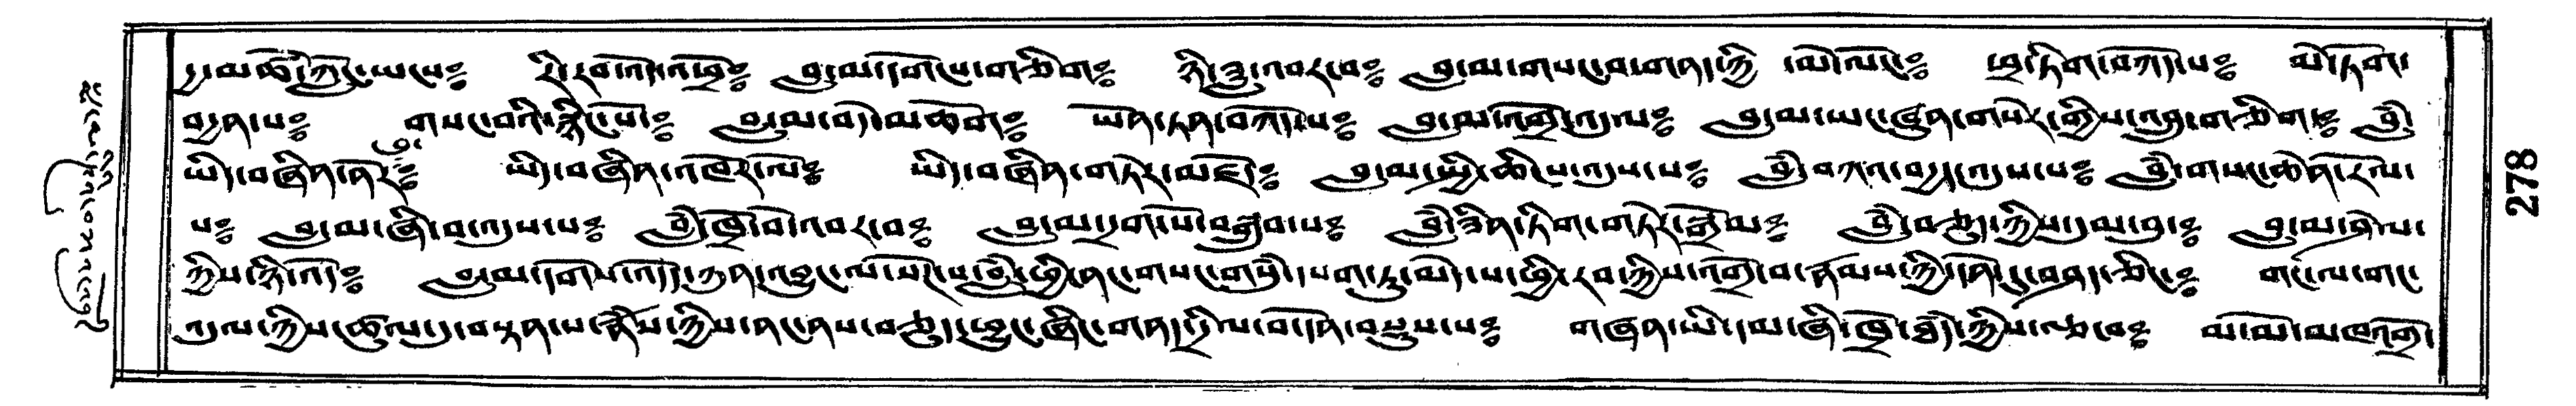རྒྱ་མཚོ་ཀློང་ཡངས༔ རི་རབ་འོད་འཕྲོ༔ བླ་མ་དགོངས་གཅིག༔ ཉི་ཟླ་འབར་བ༔ བླ་མ་གསང་བ་གནད་ཀྱི་མེ་ལོང༔ ཕྲ་ཏིག་བཀོད་པ༔ མེ་ཏོག་
བརྒྱན་པ༔ གསང་བའི་སྙིང་པོ༔ བླ་མ་བདེ་མཆོག་༔ ཡོན་ཏན་བཀོད་པ༔ བླ་མ་འགྲོ་འདུལ༔ བླ་མ་ཡང་ཞུན་གསེར་གྱི་འབྲུ་གཅིག༔ བླ་མ་
ཡིད་བཞིན་ནོར་བུ༔ ཡིད་བཞིན་འཁོར་ལོ༔ ཡིད་བཞིན་གཏེར་མཛོད༔ བླ་མ་སྤྱི་འཆིངས་འདུས་པ༔བླ་མ་བཀའ་བརྒྱད་འདུས་པ༔ བླ་མ་གསང་ཆེན་རོལ་
བ༔ བླ་མ་ཞི་བ་འདུས་པ༔ བླ་མ་ཁྲོ་བོ་འབར་བ༔ བླ་མ་དྲག་པོ་སྒྲུབ་པ༔ བླ་མ་ཟིན་ཏིག་གཏེར་སྒྲོམ༔ བླ་མ་བཅུད་ཀྱི་དུམ་བུ༔ བླ་མ་ཤེལ་
ཀྱི་ཉི་འོད༔ བླ་མ་དགོས་འདོད་ཀུན་འབྱུང་ལ་སོགས་པ་བླ་མ་ཕྱི་ནང་གསང་གསུམ་དཔག་ཏུ་མེད་པ་ཕྱི་རབས་ཀྱི་འགྲོ་བ་རྣམས་ཀྱི་དོན་དུ་བཤད་ཅིང༔ གང་ལ་གང་
འདུལ་ཀྱི་ཚུལ་དུ་བསྟན་པ་རྣམས་ཀྱིས་ནང་ནས་བཅུད་ཕྱུང་ཞིང་གནད་དྲིལ་བ་དོན་བསྡུས་པ༔ གཞན་ཡི་དམ་ཞི་ཁྲོ་ཐམས་ཅད་ཀྱི་རྩ་བ༔ མ་མོ་མཁའ་འགྲོ་